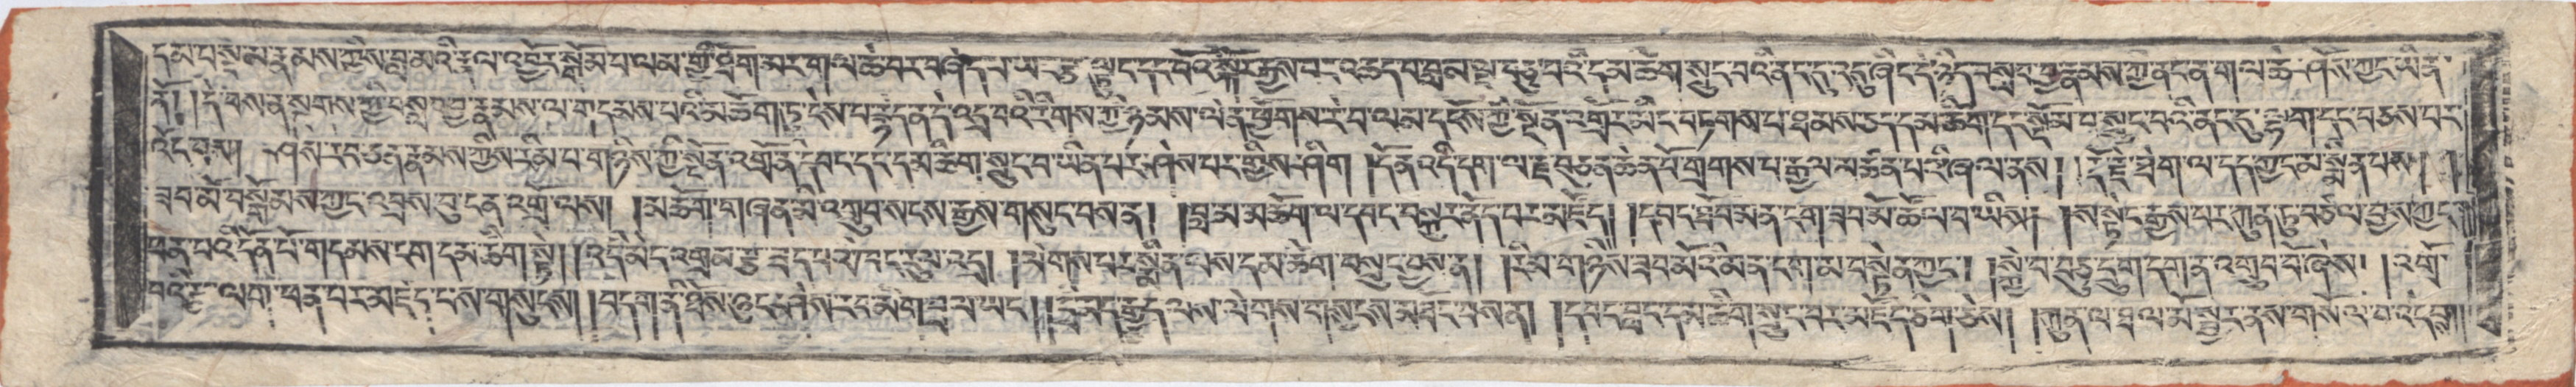དམ་པ་སྔ་མ་རྣམས་ཀྱིས་བླ་མའི་རྣལ་འབྱོར་སྒོམ་པ་ལམ་གྱི་ཐོག་མར་གལ་ཆེ་བར་བཞེད་པ་ཡང་རྩ་ལྟུང་དང་པོའི་སྐོར་རྒྱས་པར་འཆད་པ་བླ་མ་ལྔ་བཅུ་པའི་དམ་ཚིག་སྲུང་བའི་ནང་དུ་འདུ་ཞིང་དེ་ཉིད་བསླབ་བྱ་རྣམས་ཀྱི་ནང་ན་གལ་ཆེ་ཤོས་ཀྱང་ཡིན་
ནོ། །དེ་བས་ན་སྔགས་ཀྱི་བསླབ་བྱ་རྣམས་ལ་གདམས་པའི་མཆོག་ཏུ་ངེས་པ་རྙེད་ན་དེ་འདྲ་བའི་རིགས་ཀྱི་ཉམས་ལེན་ཕྱོགས་རེ་བ་ལམ་དངོས་ཀྱི་སྔོན་འགྲོར་མིང་བཏགས་པ་ཐམས་ཅད་དམ་ཚིག་དང་སྡོམ་པ་སྲུང་བའི་ནང་དུ་ལྷག་དང་བཅས་པར་
འོང་བས། ཤེས་རབ་ཅན་རྣམས་ཀྱིས་རིམ་པ་གཉིས་ཀྱི་སྔོན་འགྲོ་ནི་དབང་དང་དམ་ཚིག་སྲུང་བ་ཡིན་པར་ཤེས་པར་གྱིས་ཤིག །དོན་འདི་དག་ལ་རྗེ་བཙུན་ཆེན་པོ་གྲགས་པ་རྒྱལ་མཚན་པའི་ཞལ་ནས། །རྡོ་རྗེ་ཐེག་ལ་དད་ཀྱང་མ་སྨིན་པས། །
ཟབ་མོ་བསྒོམས་ཀྱང་འབྲས་བུ་ངན་འགྲོ་ལས། །མཆོག་གཞན་མི་འགྲུབ་སངས་རྒྱས་གསུང་བས་ན། །བླ་མ་མཆོག་ལ་དབང་བསྐུར་ནོད་པར་མཛོད། །དབང་ཐོབ་མན་ངག་ཟབ་མོ་ཚོལ་བ་ཡིས། །ས་སྟེང་རྒྱས་པར་ཀུན་ཏུ་བཙལ་བྱས་ཀྱང་
ཕན་པའི་དོན་པོ་གདམས་ངག་དམ་ཚིག་སྟེ། །འདི་མེད་འགྲམ་རྩ་ཟད་པའི་ཁང་རུལ་འདྲ། །ལེགས་པར་སྨིན་ལས་དམ་ཚིག་བསྲུང་བྱས་ན། །རིམ་གཉིས་ཟབ་མོའི་མན་ངག་མ་བསྟེན་ཀྱང་། །སྐྱེ་བ་བཅུ་དྲུག་དག་ན་འགྲུབ་བོ་ཞེས། །འགྲོ་
བའི་རྩ་ལག་ཕན་པར་མཛད་པས་གསུངས། །བདག་ནི་ཐོས་ཉུང་ཤེས་རབ་མིག་བྲལ་ཡང་། །དྲི་མེད་རྒྱུད་ལས་ལེགས་གསུངས་མཐོང་བས་ན། །དབང་བླང་དམ་ཚིག་སྲུང་བར་མཛོད་ཅིག་ཅེས། །ཀུན་ལ་ཐལ་མོ་སྦྱར་ནས་གསོལ་བ་འདེབས།།